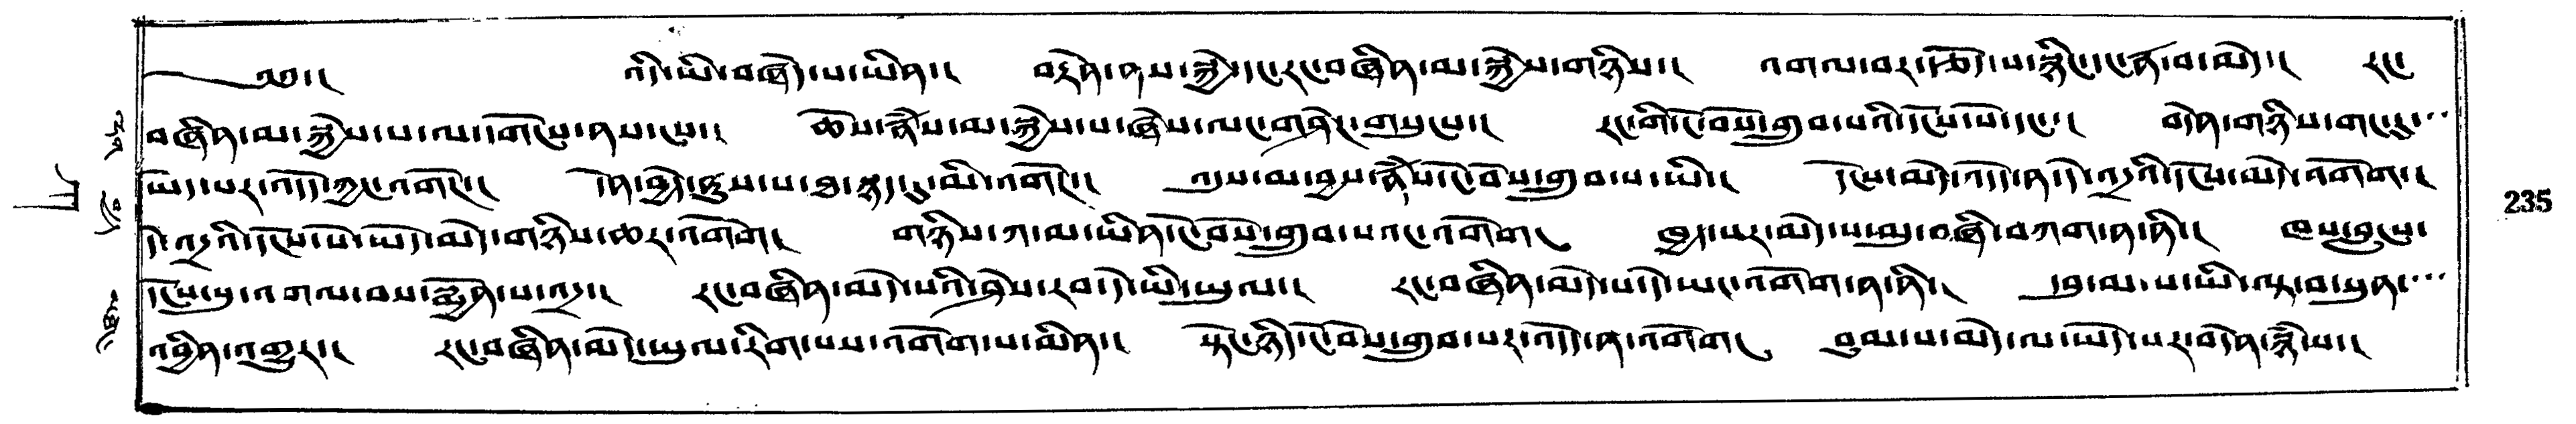འདི་ཡི་བཞེད་པ་ཡིན། །བརྟེན་ནས་སྐྱེ་དང་རང་བཞིན་མ་སྐྱེས་གཉིས། །འགལ་བར་རྩོད་པ་སྙིང་དང་རྣ་བ་མེད། །རང་
བཞིན་མ་སྐྱེས་པ་ལ་དགོངས་ནས་ངས། །ཆོས་རྣམས་མ་སྐྱེས་པ་ཞེས་ལང་གཤེགས་གསུངས། །རང་གི་ངོ་བོས་གྲུབ་པའི་དངོས་པོ་དང་། །བདེན་གཉིས་གང་དུ་
ཡོད་པར་འདོད་ཀྱང་འགོག།དོན་བྱེད་ནུས་པ་ཐ་སྙད་དུ་མི་འགོག །འདུས་མ་བྱས་རྣམས་ངོ་བོས་གྲུབ་པ་ཡི། །དངོས་མེད་འདོད་ན་དེ་འདྲའི་དངོས་མེད་འགོག །
དེ་འདྲའི་དངོས་པོ་ཡོད་མེད་གཉིས་ཆར་འགོག །གཉིས་ཀ་མ་ཡིན་ངོ་བོས་གྲུབ་པའང་འགོག ཁྱད་པར་མེད་པར་མུ་བཞི་བཀག་ན་ནི། ཁས་བླངས་
དངོས་སུ་འགལ་བས་སྨྱོན་པ་འདྲ། །རང་བཞིན་མེད་པའི་ཤེས་རབ་དེ་ཡི་ཡུལ། །རང་བཞིན་མེད་པ་དེ་ཡང་འགོག་ན་ནི། །དབུ་མ་པ་ཡི་ལྟ་བ་སུན་
འབྱིན་འགྱུར། །རང་བཞིན་མེད་ཡུལ་རིགས་པས་འགོག་པ་མིན། །སྟོང་ཉིད་ངོ་བོས་གྲུབ་པར་འདོད་ན་འགོག །བུམ་པ་མེད་ལ་ཡོད་པར་བདེན་སྙམ་པ། །